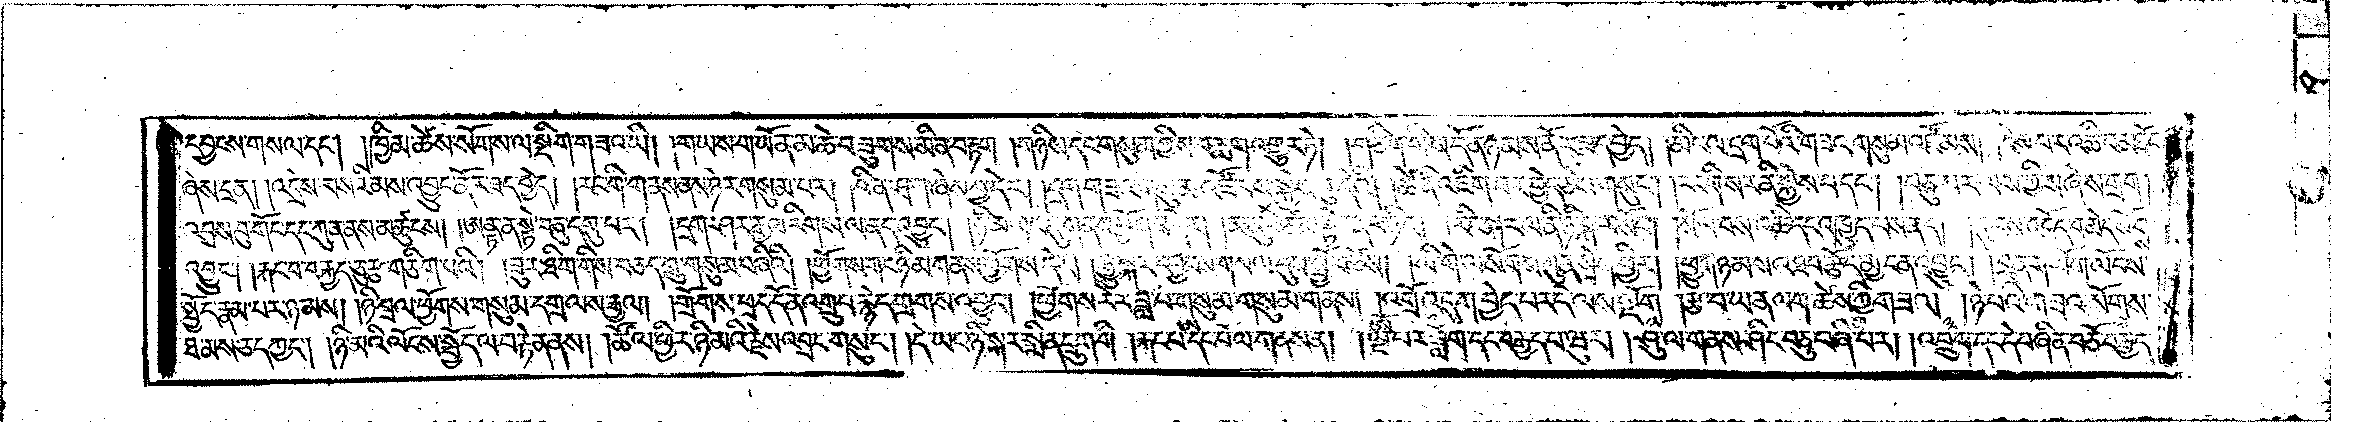དབྱངས་གསལ་དང་། །ཁྱིམ་ཚེས་སོགས་ལ་སྡིག་གཟའ་ཡི། །གཡས་གཡོན་མ་ཆེ་བཟུགས་མིན་བརྟག །གཉིས་དང་གསུམ་གྱིས་བརླག་འགྱུར་ཏེ། །གཅིག་གིས་དོན་ཉམས་ནོར་ཟད་བྱེད། །མིང་ལ་དྲག་པོའི་གཟའ་གསུམ་འཛོམས། །ངེས་པར་འཆི་བ་མཐོང་
ཞེས་དྲན། །འདྲེས་མས་རིམས་འབྱུང་ནོར་ཟད་བྱེད། །རང་གི་གནས་ནས་ཉེར་གསུམ་པར། །བིན་ཤ་གཞེས་བྱ་དེར། །དྲག་གཟའ་གསུམ་འཛོངས་སྐྱེས་བུ་དེའི། །ཚེ་ནི་འཇིག་བར་བྱེད་ཅེས་གསུང་། །རང་གི་སར་ནི་སྐྱེས་པ་དང་། །བཅུ་པར་ལས་ཀྱིས་ཞེས་གྲག།
འབྲས་བུ་གོང་དང་ཀུན་ནས་མཚུངས། །ཨནྟན་སྟེ་བཅུ་དགུ་པར། །དྲག་ཤར་རྒྱལ་རིག་གསལ་ནད་འབྱུང་། །ཉི་མ་གང་དུ་གནས་ཕྱོགས་དེར། །མ་ནུབ་བཙམ་སྟེན་ངན་པ་ཉིད། །རིང་སྐར་ལ་ནི་ཉི་སྐར་སོང་། །སོལ་བས་འཆི་དང་འཁྱུད་པས་ནད། །དུ་རས་འདོད་བ་རྨོང་སོགས་
འབྱུང་། །རྐང་བ་བརྒྱད་ཅུ་རྩ་གཅིག་པའི། །ཟུར་ཐིག་གིས་བཅད་གྲུ་གསུམ་བཞིའི། །ཕྱོགས་གང་ཉི་མ་གནས་ཕྱོགས་དེར། །རྒྱུ་སྐར་དབྱངས་གསལ་དུས་སྦྱོར་ཚེས། །ཡི་གེ་ལ་སོགས་ཀུན་སྲེག་ཕྱིར། །ཕྱུག་ཉམས་འཐབ་རྩོད་མྱ་ངན་འབྱུང་། །བྲན་གཡོག་ལོངས་
སྤྱོད་རྣམ་པར་ཉམས། །ཉི་བྲལ་ཕྱོགས་གསུམ་དགྲ་ལས་རྒྱལ། །གྲོགས་ཕྲད་དོན་འགྲུབ་རྙེད་གྲགས་འབྱུང་། །ཕྱོགས་རར་ཟླ་པ་གསུམ་གསུམ་གནས། །འགྲོ་འདུག་བྱེད་པར་དེ་ལས་ལྡོག །རྩ་བ་ཡན་ལག་ཚེས་ཀྱི་གཟའ། །ཉེ་བའི་གཟའ་སོགས་
ཐམས་ཅད་ཀྱང་། །ཉི་མའི་ལོངས་སྤྱོད་ལ་བརྟེན་ནས། །ཚོལ་ཕྱིར་ཉི་མའི་རྗེས་འབྲང་གསུང་། །དེ་ཡང་ཉི་སྐར་སྨིན་དྲུག་གི །རྐང་པ་དང་པོ་ལ་གནས་ན། །ལྔ་པར་ཟློག་དང་བརྒྱད་པ་ཝུར། །ཤུལ་གནས་ཤིང་བཅུ་བཞི་པར། །འབྲུག་དང་དེ་བཞིན་བཅོ་བརྒྱད་